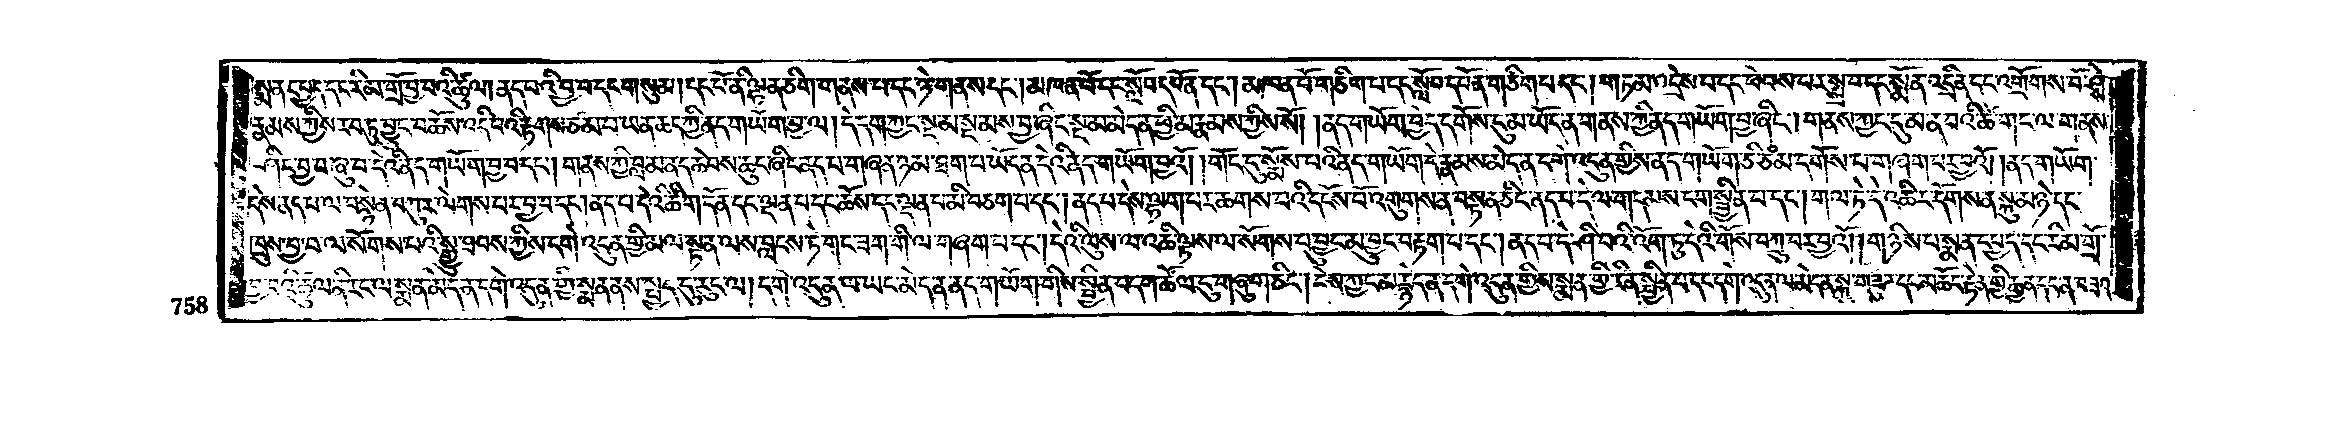སྨན་དཔྱད་དང་རིམ་གྲོ་བྱ་བའི་ཚུལ། ནད་པའི་བྱ་བ་དང་གསུམ། དང་པོ་ནི་ལྷན་ཅིག་གནས་པ་དང་ཉེ་གནས་དང་། མཁན་པོ་དང་སློབ་དཔོན་དང་། མཁན་པོ་གཅིག་པ་དང་སློབ་དཔོན་གཅིག་པ་དང་། གཏམ་འདྲེས་པ་དང་ཕེབས་པར་སྨྲ་བ་དང་སྨོན་འདྲིན་དང་འགྲོགས་པོ་ཤེས་
རྣམས་ཀྱིས་རབ་ཏུ་བྱུང་བ་ཆོས་འདི་བའི་རྟགས་ཙམ་པ་ཡན་ཆད་ཀྱི་ནད་གཡོག་བྱ་ལ། དེ་དག་ཀྱང་སྔ་མ་སྔ་མས་བྱ་ཞིང་སྔ་མ་མེད་ན་ཕྱི་མ་རྣམས་ཀྱིས་སོ། །ནད་གཡོག་བྱེད་དགོས་དུ་མ་ཡོད་ན་གནས་ཀྱི་ནད་གཡོག་བྱ་ཞིང་། གནས་ཀྱང་དུ་མ་ན་བའི་ཚེ་གང་ལ་གནས་
ཤིང་བྱ་བ་ཞུ་བ་དེའི་ནད་གཡོག་བྱ་བ་དང་། གནས་ཀྱི་བླ་མ་ནད་ཆེ་བས་ཆུང་ཞིང་ནད་པ་གཞན་ཉམ་ཐག་པ་ཡོད་ན་དེའི་ནད་གཡོག་བྱའོ། །གོང་དུ་སྨོས་པའི་ནད་གཡོག་དེ་རྣམས་མེད་ན་དགེ་འདུན་གྱིས་ནད་གཡོག་ཅི་ཙམ་དགོས་པ་གཞག་པར་བྱའོ། །ནད་གཡོག་
དེས་ནད་པ་ལ་བསྙེན་བཀུར་ལེགས་པར་བྱ་བ་དང་། ནད་པ་དེའི་ཚིག་དོན་དང་ལྡན་པ་དང་ཆོས་དང་ལྡན་པ་མི་བཅག་པ་དང་། ནད་པ་དེས་ལྷག་པར་ཆགས་པའི་དངོས་པོ་འགུགས་ན་བསྟན་ཅིང་ནད་པ་དེ་ལ་གདམས་ངག་སྦྱིན་པ་དང་། གལ་ཏེ་དེ་འཆིར་དོགས་ན་སྐུ་མཉེ་དང་
ཁྲུས་བྱ་བ་ལ་སོགས་པའི་སྒྱུ་ཐབས་ཀྱིས་དགེ་འདུན་གྱི་མལ་སྟན་ལས་བླངས་ཏེ་གང་ཟག་གི་ལ་གཞག་པ་དང་། དེའི་ལུས་ལ་འཆི་ལྟས་ལ་སོགས་པ་བྱུང་མ་བྱུང་བརྟག་པ་དང་། ནད་པ་དེ་ཤི་བའི་འོག་ཏུ་དེའི་གོས་བཀྲུ་བར་བྱའོ། །གཉིས་པ་སྨན་དཔྱད་དང་རིམ་གྲོ་
བྱ་བའི་ཚུལ་ནི་རང་ལ་སྨན་མེད་ན་དགེ་འདུན་གྱི་སྨན་ནས་སྤྱད་དུ་རུང་ལ། དགེ་འདུན་ལ་ཡང་མེད་ན་ནད་གཡོག་གིས་སྦྱིན་བདག་ཚོལ་དུ་གཞུག་ཅིང་། ངེས་ཀྱང་མ་རྙེད་ན་དགེ་འདུན་གྱིས་སྨན་གྱི་རིན་སྦྱིན་པ་དང་དགེ་འདུན་ལ་མེད་ན་སྐུ་གཟུགས་དང་མཆོད་རྟེན་གྱི་རྒྱན་དང་ན་བཟའ་